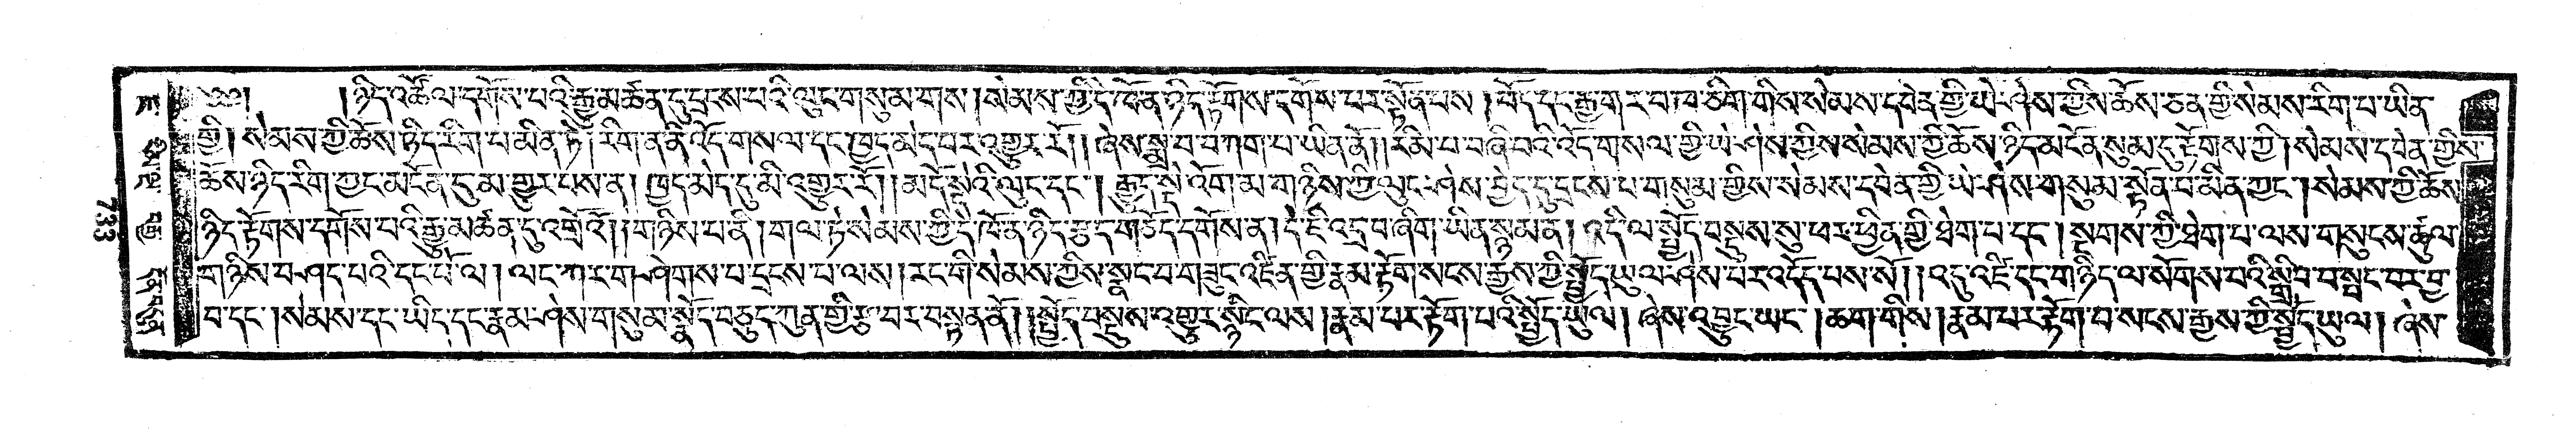༄༅། །ཉིད་འཚོལ་དགོས་པའི་རྒྱུ་མཚན་དུ་དྲངས་པའི་ལུང་གསུམ་གས། སེམས་ཀྱི་དེ་ཁོ་ན་ཉིད་རྟོགས་དགོས་པར་སྟོན་པས། བོད་དང་རྒྱ་གར་བ་ཁ་ཅིག་གིས་སེམས་དབེན་གྱི་ཡེ་ཤེས་ཀྱིས་ཆོས་ཅན་གྱི་སེམས་རིག་པ་ཡིན་
གྱི། སེམས་ཀྱི་ཆོས་ཉིད་རིག་པ་མིན་ཏེ། རིག་ན་ནི་འོད་གསལ་དང་ཁྱད་མེད་པར་འགྱུར་རོ། །ཞེས་སྨྲ་བ་བཀག་པ་ཡིན་ནོ། །རིམ་པ་བཞི་པའི་འོད་གསལ་གྱི་ཡེ་ཤེས་ཀྱིས་སེམས་ཀྱི་ཆོས་ཉིད་མངོན་སུམ་དུ་རྟོགས་ཀྱི། སེམས་དབེན་གྱིས་
ཆོས་ཉིད་རིག་ཀྱང་མངོན་དུ་མ་གྱུར་པས་ན། ཁྱད་མེད་དུ་མི་འགྱུར་རོ། །མདོ་སྡེའི་ལུང་དང་། རྒྱུད་སྡེ་འོག་མ་གཉིས་ཀྱི་ལུང་ཤེས་བྱེད་དུ་དྲངས་པ་གསུམ་གྱིས་སེམས་དབེན་གྱི་ཡེ་ཤེས་གསུམ་སྟོན་པ་མིན་ཀྱང་། སེམས་ཀྱི་ཆོས་
ཉིད་རྟོགས་དགོས་པའི་རྒྱུ་མཚན་དུ་འགྲོའོ། །གཉིས་པ་ནི། གལ་ཏེ་སེམས་ཀྱི་དེ་ཁོ་ན་ཉིད་རྩད་གཅོད་དགོས་ན། དེ་ཇི་འདྲ་བ་ཞིག་ཡིན་སྙམ་ན། འདི་ལ་སྤྱོད་བསྡུས་སུ་ཕར་ཕྱིན་གྱི་ཐེག་པ་དང་། སྔགས་ཀྱི་ཐེག་པ་ལས་གསུངས་ཚུལ་
གཉིས་བཤད་པའི་དང་པོ་ལ། ལང་ཀར་གཤེགས་པ་དྲངས་པ་ལས། རང་གི་སེམས་ཀྱིས་སྣང་བ་གཟུང་འཛིན་གྱི་རྣམ་རྟོག་སངས་རྒྱས་ཀྱི་སྤྱོད་ཡུལ་ཤེས་པར་འདོད་པས་སོ། །འདུ་འཛི་དང་གཉིད་ལ་སོགས་པའི་སྒྲིབ་པ་སྤང་བར་བྱ་
བ་དང་། སེམས་དང་ཡིད་དང་རྣམ་ཤེས་གསུམ་སྣོད་བཅུད་ཀུན་གྱི་རྩ་བར་བསྟན་ནོ། །སྤྱོད་བསྡུས་འགྱུར་སྙིང་ལས། རྣམ་པར་རྟོག་པའི་སྤྱོད་ཡུལ། ཞེས་འབྱུང་ཡང་། ཆག་གིས། རྣམ་པར་རྟོག་པ་སངས་རྒྱས་ཀྱི་སྤྱོད་ཡུལ། ཞེས་